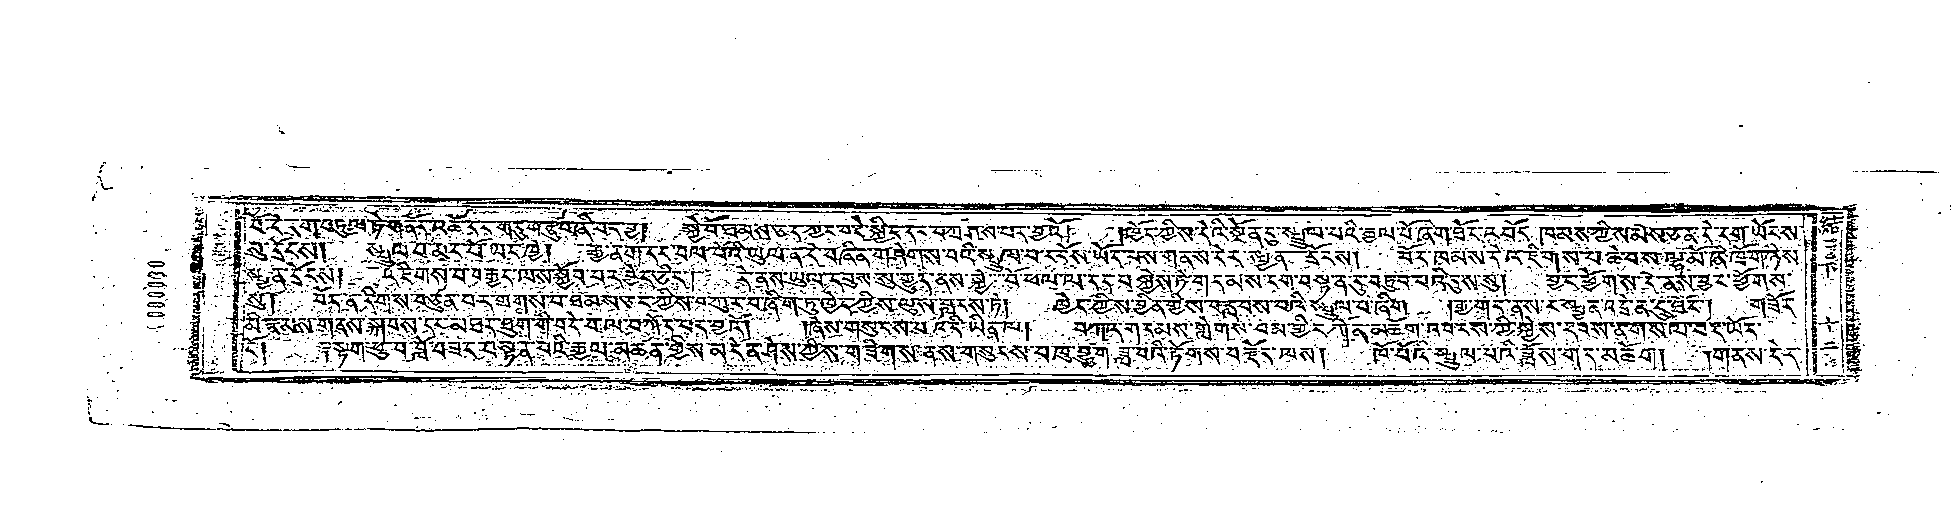བོ་དེ་དག་བཏུལ་ཏེ་གནོད་འཚེ་དང་གདུག་རྩུབ་ཞི་བར་བྱ། སྐྱེ་བོ་ཐམས་ཅད་ཀྱང་བདེ་སྐྱིད་དང་བཀྲ་ཤིས་པར་བྱའོ། །ཁྱོད་ཀྱིས་དེའི་སྔོན་དུ་སྤྲུལ་པའི་རྒྱལ་པོ་ཞིག་ཐོང་འབོད་ཁམས་ཀྱིས་སེམས་ཅན་དེ་དག་ཡོངས་
སུ་དྲོངས། སྤྲུལ་པ་མང་པོ་ཡང་ཁྱེ། རྒྱ་ནག་དང་བལ་པོའི་ཡུལ་ན་དེ་བཞིན་གཤེགས་པའི་སྤྲུལ་པ་དངོས་ཡོད་པས་གནས་དེར་སྤྱན་དྲོངས། བོད་ཁམས་དེ་འཇིགས་པ་ཆེ་བས་ལྷ་མོ་ཞི་ཁྲོ་གཉིས་
སྤྱན་དྲོངས། འཇིགས་པ་བརྒྱད་ལས་སྐྱོབ་པར་བྱེད་ཅིང་། དེ་ནས་ཡུལ་དབུས་སུ་གྱུར་ནས་སྐྱེ་བོ་ཕལ་ལ་དད་པ་སྐྱེས་ཏེ་གདམས་ངག་བསྟན་དུ་བཏུབ་པའི་དུས་སུ། བྱང་ཕྱོགས་དེ་ནས་བྱང་ཕྱོགས་
སུ། བོད་ན་རིགས་བཙུན་པར་གྲགས་པ་ཐམས་ཅད་ཀྱིས་བཀུར་བ་ཞིག་ཏུ་ཁྱེད་ཀྱིས་ལུས་བླངས་ཏེ། ཁྱེད་ཀྱིས་བྱིན་གྱིས་བརླབས་པའི་སྤྲུལ་པ་ཞིག །རྒྱ་གར་ནས་ང་སྤྱན་འདྲེན་དུ་ཐོང་། གཟོར་
མི་རྣམས་གནས་སྐབས་དང་མཐར་ཐུག་གི་བདེ་བ་ལ་བཀོད་པར་བྱའོ། །ཞེས་གསུངས་པ་འདི་ཡིན་ལ། བཀའ་གདམས་གླེགས་བམ་གྱི་དཀོན་མཆོག་འབངས་ཀྱི་སྐྱེས་རབས་ན་གསལ་བར་ཡོང་
ངོ། ༑སྟག་ཕུ་བ་བློ་བཟང་བསྟན་པའི་རྒྱལ་མཚན་གྱིས་མངོན་ཤེས་ཀྱིས་གཟིགས་ནས་གསུངས་པ་ཁུ་བྱུག་ཟླ་བའི་རྟོགས་བརྗོད་ལས། ཁོ་བོའི་སྤྲུལ་པའི་ཟློས་གར་མཆོག། །གནས་དེར་